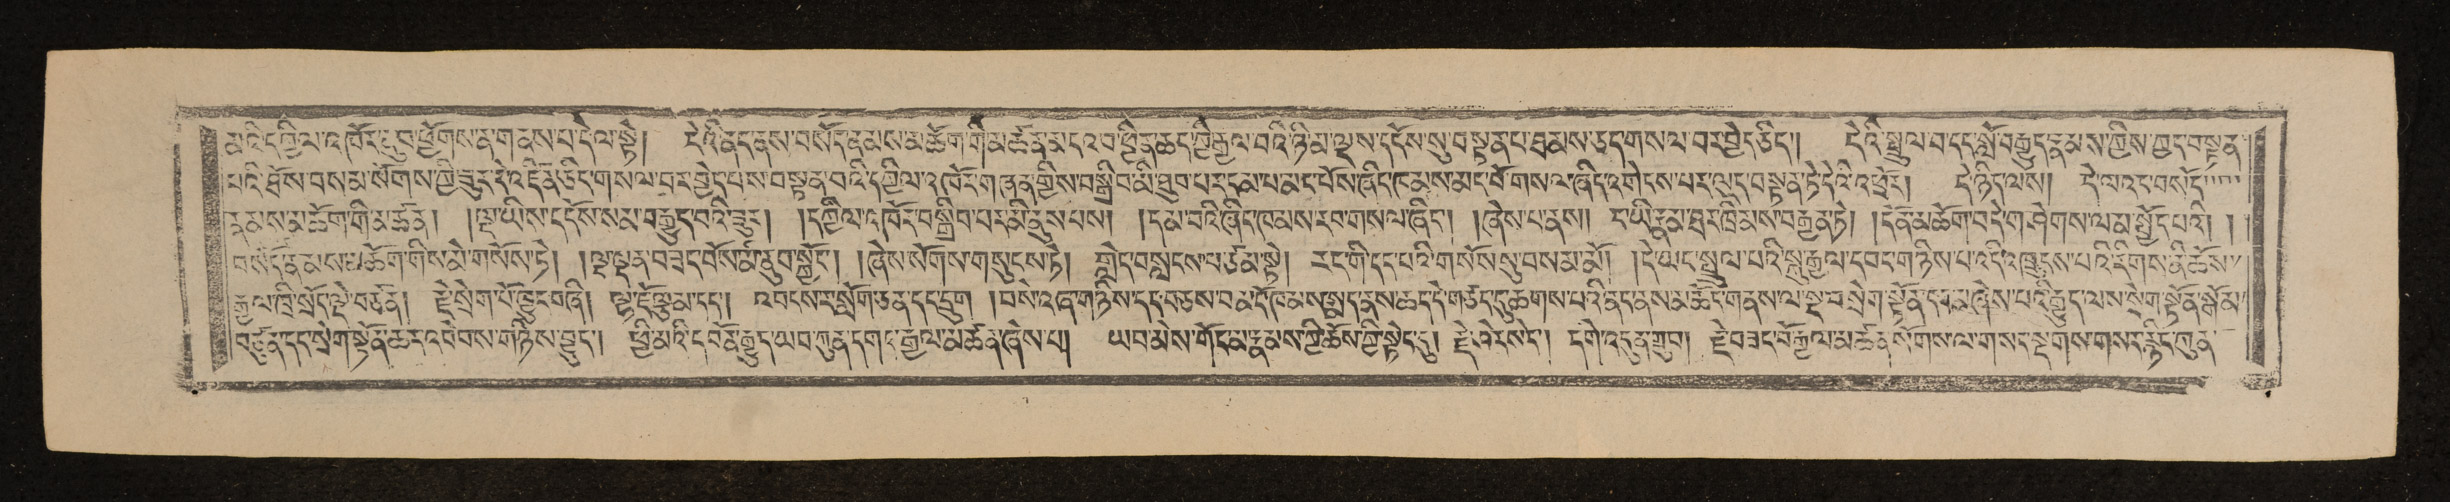མའི་དཀྱིལ་འཁོར་ནུབ་ཕྱོགས་ན་གནས་པ་དེ་ལ་སྟེ། དེའི་ནང་ནས་བསོད་ནམས་མཆོག་གི་མཚན་མངའ་བ་ཕྱིན་ཆད་ཀྱི་རྒྱལ་བའི་ཉི་མ་ལྔས་དངོས་སུ་བསྟན་པ་ཐམས་ཅད་གསལ་བར་བྱེད་ཅིང་། དེའི་སྤྲུལ་པ་དང་སློབ་རྒྱུད་རྣམས་ཀྱིས་ཀྱང་བསྟན་
པའི་ཐོས་བསམ་སོགས་ཀྱི་ཟུར་རེ་འཛིན་ཅིང་གསལ་བར་བྱེད་པས་བསྟན་པའི་དཀྱིལ་འཁོར་གཞན་གྱིས་བསྒྲིབ་མི་ཐུབ་པར་དམ་པ་མང་པོས་ཞིང་ཁམས་མང་བོ་གསལ་ཞིང་འགེངས་པར་ལུང་བསྟན་ཏེ་དེའི་འཕྲོར། དེ་ཉིད་ལས། དེ་ལའང་བསོད་
ནམས་མཆོག་གི་མཚན། །ལྔ་ཡིས་དངོས་སམ་བརྒྱུད་པའི་ཟུར། །དཀྱིལ་འཁོར་བསྒྲིབ་པར་མི་ནུས་པས། །དམ་པའི་ཞིང་ཁམས་རབ་གསལ་ཞིང་། །ཞེས་པ་ནས། ང་ཡི་རྣམ་ཐར་ཁྲིམས་བརྒྱན་ཏེ། །དོན་མཆོག་བདེ་གཤེགས་ལམ་སྤྱོད་པའི། །
བསོད་ནམས་མཆོག་གིས་མེ་གསོས་ཏེ། །ལྔ་ལྡན་བཟང་པོས་མི་ནུབ་སྐྱོང་། །ཞེས་སོགས་གསུངས་ཏེ། གླེང་བསླངས་བཙམ་སྟེ། རང་གི་དད་པའི་གསོས་སུ་བསམ་མོ། །དེ་ཡང་སྤྲུལ་པའི་སྐུ་རྒྱལ་དབང་གཉིས་པ་འདི་འཁྲུངས་པའི་རིགས་ནི་ཆོས་
རྒྱལ་ཁྲི་སྲོང་ལྡེ་བཙན། རྗེ་སྲེག་པོ་ཁྱུང་བཞི། ལྷ་ཇོ་ལྕམ་དང་། འབངས་ར་སློག་ཅན་དང་དྲུག །བསེ་འ་ཞ་གཉིས་དང་བཅས་པ་མདོ་ཁམས་སྨད་ནས་ཆད་དེ་གཙང་དུ་ཆགས་པའི་ནང་ནས་མཆོད་གནས་ལ་སྔ་བསྲེག་སྟོན་དར་མ་ཞེས་པའི་རྒྱུད་ལས་སྲེག་སྟོན་སྒོམ་
བཙུན་དང་སྲེག་སྟོན་ཆར་འབེབས་གཉིས་བྱུང་། ཕྱི་མའི་དཔོན་རྒྱུད་ཡབ་ཀུན་དགའ་རྒྱལ་མཚན་ཞེས་པ། ཡབ་མེས་གོང་མ་རྣམས་ཀྱི་ཆོས་ཀྱི་སྟེང་དུ། རྗེ་ཤེར་སེང་། དགེ་འདུན་གྲུབ། རྗེ་བཟང་པོ་རྒྱལ་མཚན་སོགས་ལ་གསང་སྔགས་གསར་རྙིང་ཀུན་